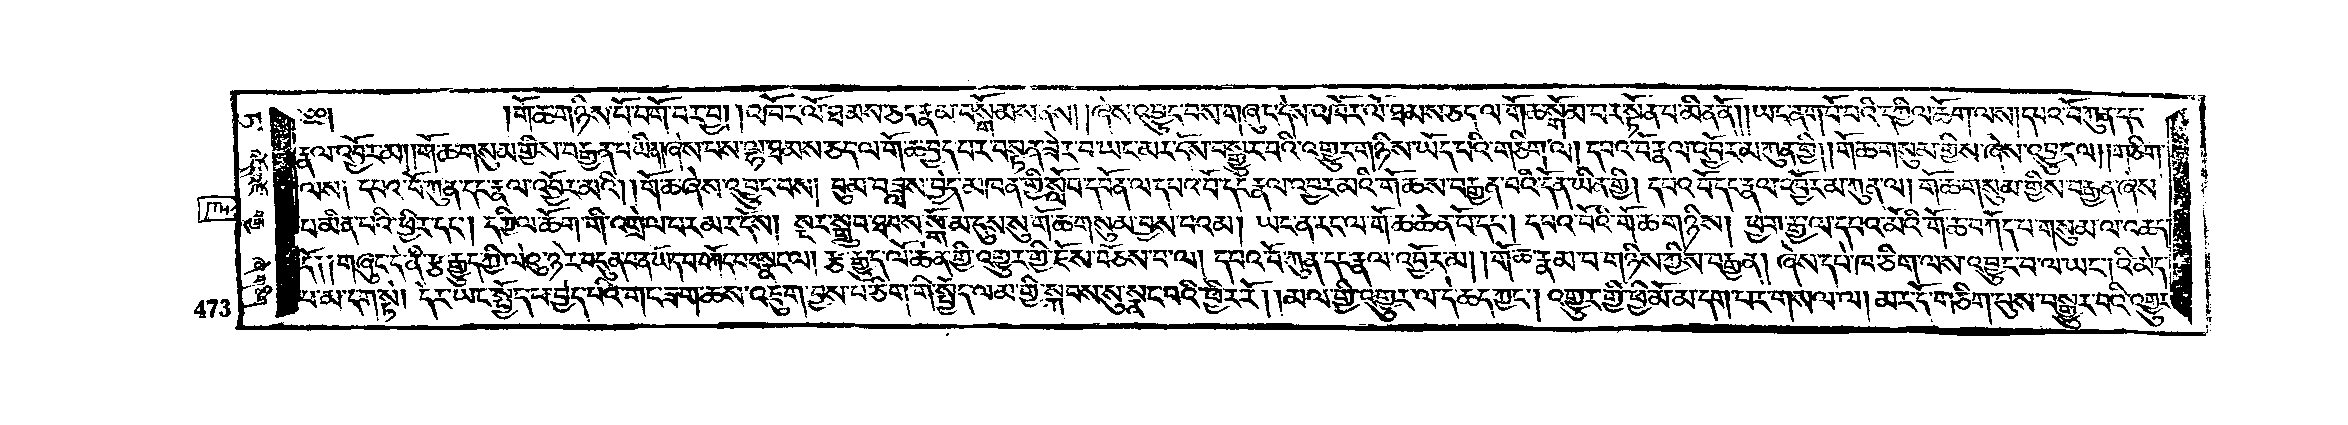༄༅། །གོ་ཆ་གཉིས་པོ་བགོ་བར་བྱ། །འཁོར་ལོ་ཐམས་ཅད་རྣམ་བསྒོམས་ནས། །ཞེས་འབྱུང་བས་གཞུང་དེས་འཁོར་ལོ་ཐམས་ཅད་ལ་གོ་ཆ་སྒོམ་པར་སྟོན་པ་མིན་ནོ། །ཡང་ནག་པོ་པའི་དཀྱིལ་ཆོག་ལས། དཔའ་བོ་ཀུན་དང་
རྣལ་འབྱོར་མ། །གོ་ཆ་གསུམ་གྱིས་བརྒྱན་པ་ཡིན། །ཞེས་པས་ལྷ་ཐམས་ཅད་ལ་གོ་ཆ་བྱེད་པར་བསྟན་ཟེར་བ་ཡང་མར་དོས་བསྒྱུར་བའི་།འགྱུར་གཉིས་ཡོད་པའི་གཅིག་ལ། དཔའ་བོ་རྣལ་འབྱོར་མ་ཀུན་གྱི། །གོ་ཆ་གསུམ་གྱིས་ཞེས་འབྱུང་ལ། །གཅིག་
ལས། དཔའ་བོ་ཀུན་དང་རྣལ་འབྱོར་མའི། །གོ་ཆ་ཞེས་འབྱུང་བས། བུམ་བཟླས་བྱེད་མཁན་གྱི་སློབ་དཔོན་ལ་དཔའ་བོ་དང་རྣལ་འབྱོར་མའི་གོ་ཆས་བརྒྱན་བའི་དོན་ཡིན་གྱི། དཔའ་བོ་དང་རྣལ་འབྱོར་མ་ཀུན་ལ། གོ་ཆ་གསུམ་གྱིས་བརྒྱན་ཞེས་
པ་མིན་པའི་ཕྱིར་དང་། དཀྱིལ་ཆོག་གི་འགྲེལ་པར་མར་དོས། སྔར་སྒྲུབ་ཐབས་སྒོམ་དུས་སུ་གོ་ཆ་གསུམ་བྱས་པའམ། ཡང་ན་རང་ལ་གོ་ཆ་ཆེན་པོ་དང་། དཔའ་བོའི་གོ་ཆ་གཉིས། ཕྱག་རྒྱ་ལ་དཔའ་མོའི་གོ་ཆ་བཀོད་པ་གསུམ་ལ་འཆད་
དོ། །གཞུང་དེ་ནི་རྩ་རྒྱུད་ཀྱི་ལེའུ་ཉེར་བདུན་པ་ན་ཡོད་པ་བཀོད་པ་བསྣང་ལ། རྩ་རྒྱུད་ལོ་ཆེན་གྱི་འགྱུར་གྱི་ཇོས་བཅོས་པ་ལ། དཔའ་བོ་ཀུན་དང་རྣལ་འབྱོར་མ། །གོ་ཆ་རྣམ་པ་གཉིས་ཀྱིས་བརྒྱན། ཞེས་དཔེ་ཁ་ཅིག་ལས་འབྱུང་བ་ལ་ཡང་། འི་མེད་
པ་མ་དག་སྟེ། དེར་ཡང་སྤྱོད་པ་བྱེད་པའི་གང་ཟག་ཆས་འཇུག་བྱས་པ་ཅིག་གི་སྤྱོད་ལམ་གྱི་སྐབས་སུ་སྣང་བའི་ཕྱིར་རོ། །མལ་གྱི་འགྱུར་ལ་དེ་ཆད་ཀྱང་། འགྱུར་གྱི་ཕྱི་མོ་མ་དག་པར་གསལ་ལ། མར་དོ་གཅིག་པུས་བསྒྱུར་བའི་འགྱུར་